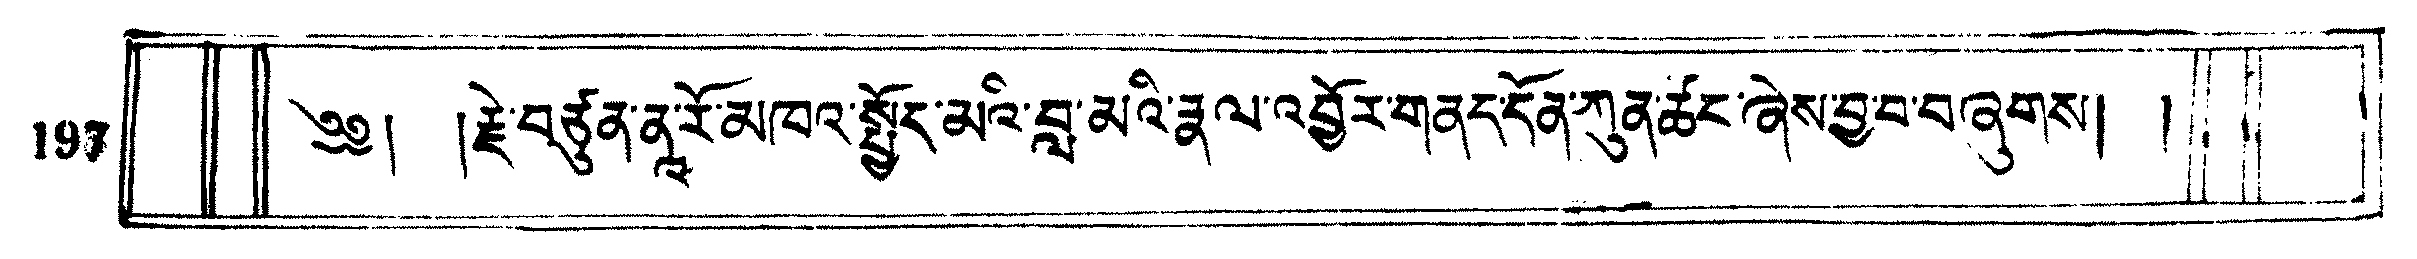༄༅། །རྗེ་བཙུན་ནཱ་རོ་མཁའ་སྤྱོད་མའི་བླ་མའི་རྣལ་འབྱོར་གནད་ངོན་?་ཀུན་ཚང་ཞེས་བྱ་བ་བཞུགས། །